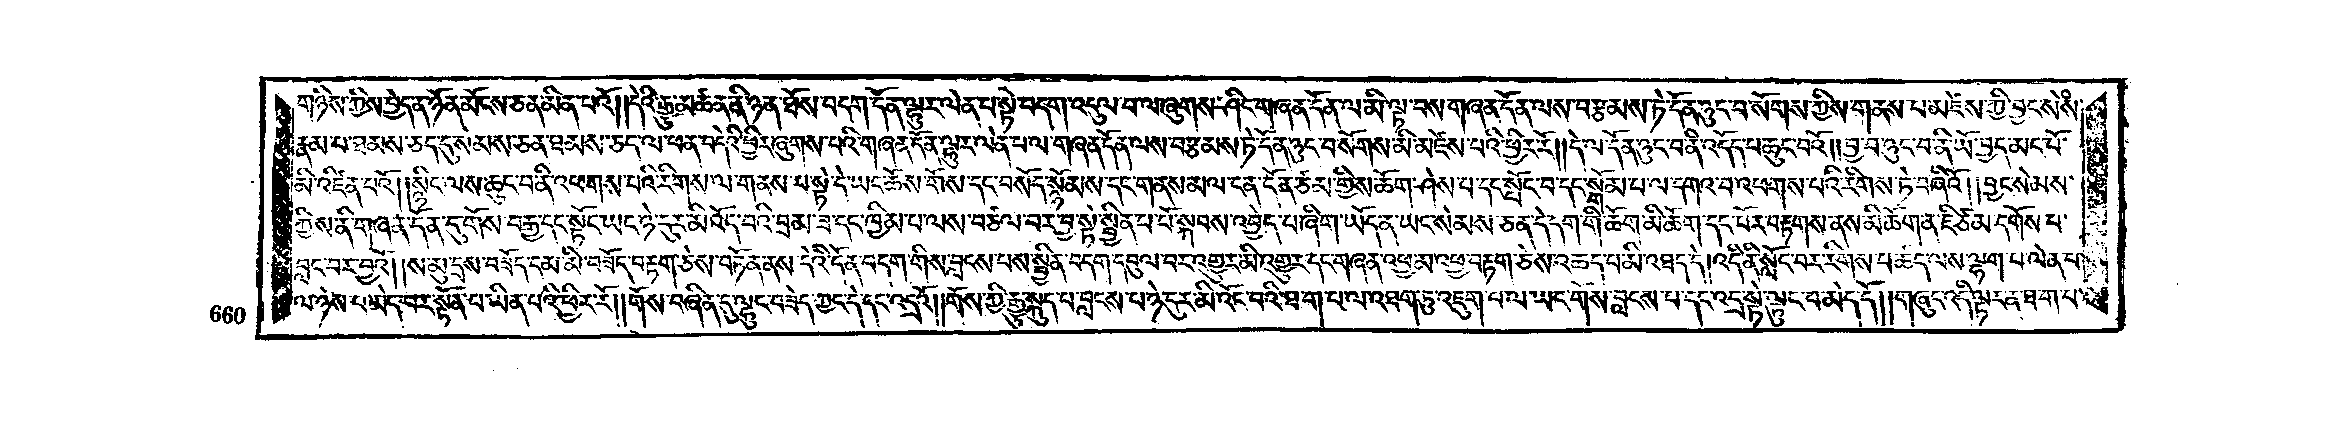གཉིས་ཀྱིས་བྱེད་ན་ཉོན་མོངས་ཅན་མིན་པའོ། །དེའི་རྒྱུ་མཚན་ནི་ཉན་ཐོས་བདག་དོན་ལྷུར་ལེན་པ་སྟེ་བདག་འདུལ་བ་ལ་ཞུགས་ཤིང་གཞན་དོན་ལ་མི་ལྟ་བས་གཞན་དོན་ལས་བརྩམས་ཏེ་དོན་ཉུང་བ་སོགས་ཀྱིས་གནས་པ་མཛེས་ཀྱི་བྱང་སེམས་
རྣམ་པ་ཐམས་ཅད་དུ་སེམས་ཅན་ཐམས་ཅད་ལ་ཕན་བདེའི་ཕྱིར་ཞུགས་པའི་གཞན་དོན་ལྷུར་ལེན་པ་ལ་གཞན་དོན་ལས་བརྩམས་ཏེ་དོན་ཉུང་བ་སོགས་མི་མཛེས་པའི་ཕྱིར་རོ། །དེ་ལ་དོན་ཉུང་བ་ནི་འདོད་པ་ཆུང་བའོ། །བྱ་བ་ཉུང་བ་ནི་ཡོ་བྱད་མང་པོ་
མི་འཛིན་པའོ། །སྙིང་ལས་ཆུང་བ་ནི་འཕགས་པའི་རིགས་ལ་གནས་པ་སྟེ་དེ་ཡང་ཆོས་གོས་དང་བསོད་སྙོམས་དང་གནས་མལ་ངན་དོན་ཙམ་གྱིས་ཆོག་ཤེས་པ་དང་སྤོང་བ་དང་སྒོམ་པ་ལ་དགའ་བ་འཕགས་པའི་རིགས་ཏེ་བཞིའོ། །བྱང་སེམས་
ཀྱིས་ནི་གཞན་དོན་དུ་གོས་བརྒྱ་དང་སྟོང་ཡང་ཉེ་དུར་མི་འོད་པའི་བྲམ་ཟེ་དང་ཁྱིམ་པ་ལས་བཙལ་བར་བྱ་སྟེ་སྦྱིན་པ་པོ་སྐབས་འབྱེད་པ་ཞིག་ཡོད་ན་ཡང་སེམས་ཅན་དེ་དག་གི་ཆོག་མི་ཆོག་དང་པོར་བརྟགས་ནས་མི་ཆོག་ན་ཇི་ཙམ་དགོས་པ་
བླང་བར་བྱའོ། །ས་མུ་དྲས་བཟོད་དམ་མི་བཟོད་བརྟག་ཅེས་བཏོན་ནས་དེའི་དོན་བདག་གིས་བླངས་པས་སྦྱིན་བདག་དབུལ་བར་འགྱུར་མི་འགྱུར་དང་གཞན་འཕྱ་མ་འཕྱ་བརྟག་ཅེས་འཆད་པ་མི་འཐད་དེ། འདི་ནི་སློང་བར་རིགས་པ་ཚད་ལས་ལྷག་པ་ལེན་པ་
ལ་ཉེས་པ་མེད་པར་སྟོན་པ་ཡིན་པའི་ཕྱིར་རོ། །གོས་བཞིན་དུ་ལྷུང་བཟེད་ཀྱང་དེ་དང་འདྲའོ། །གོས་ཀྱི་རྒྱུ་སྐུད་པ་བླངས་པ་ཉེ་དུར་མི་འོང་བའི་ཐ་ག་པ་ལ་འཐག་ཏུ་འཇུག་པ་ལ་ཡང་གོས་བླངས་པ་དང་འདྲ་སྟེ་ལྟུང་བ་མེད་དོ། །གཞུང་འདི་ལྟར་ན་ཐ་ག་པ་